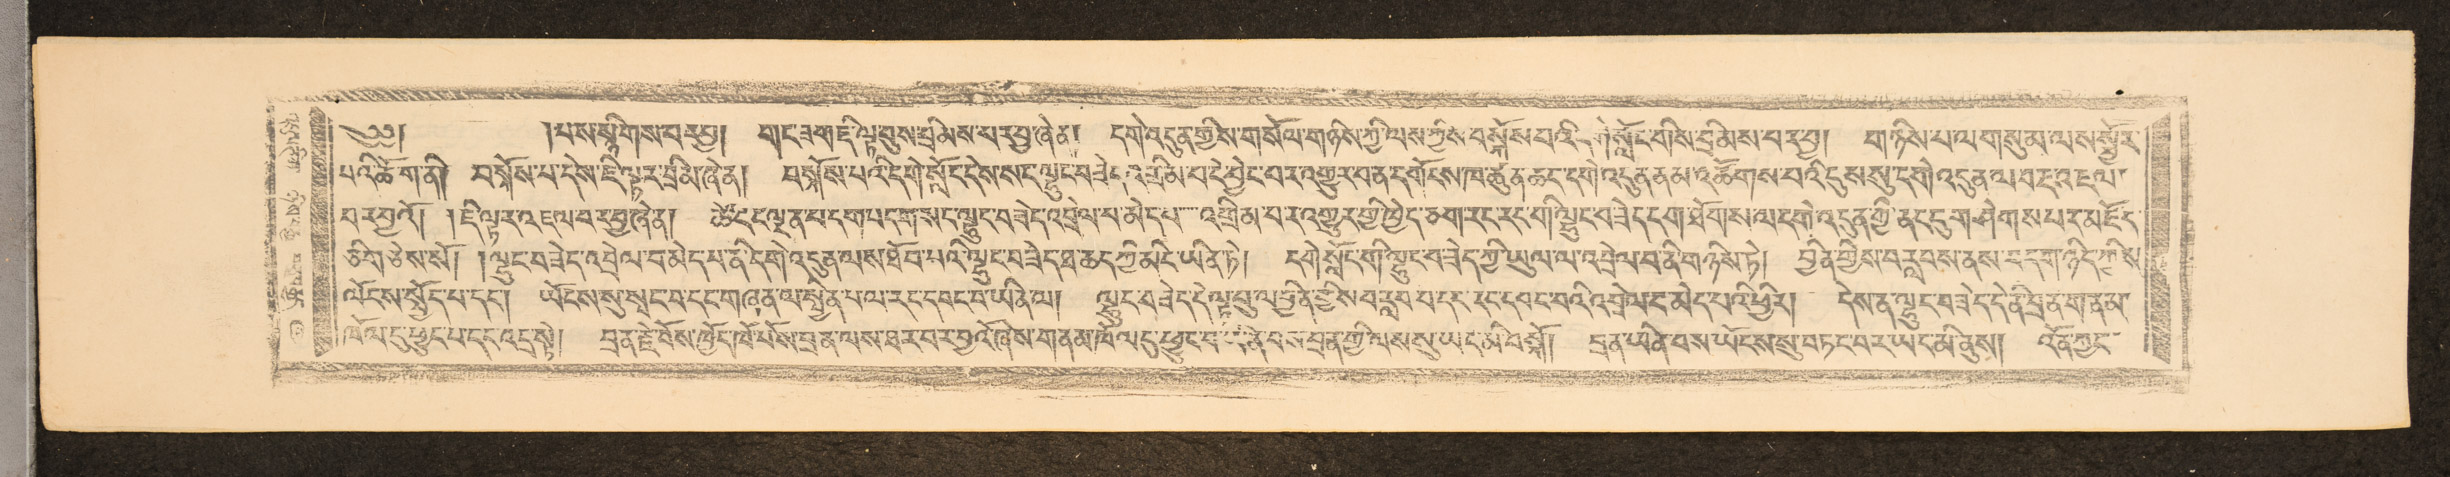༄༅། །པས་སྙིགས་པར་བྱ། གང་ཟག་ཇ་ལྟ་བུས་བྲིམས་པར་བྱ་ཞེ་ན། དགེ་འདུན་གྱིས་གསོལ་གཉིས་ཀྱི་ལས་ཀྱིས་བསྐོས་པའི་དགེ་སློང་གིས་བྲིམས་པར་བྱ། གཉིས་པ་ལ་གསུམ་ལས་སྦྱོར་
བའི་ཆོ་ག་ནི། བསྐོས་པ་དེས་ཇི་ལྟར་བྲིམ་ཞེ་ན། བསྐོས་པའི་དགེ་སློང་དེས་སང་ལྷུང་བཟེད་འགྲིམ་པ་དེ་བྱེད་པར་འགྱུར་བ་ན་དགོངས་ཁ་ཚུན་ཆད་དགེ་འདུན་ནམ་འཚོགས་པའི་དུས་སུ་དགེ་འདུན་ལ་བརྡ་འཇལ་
བར་བྱའོ། །ཇི་ལྟར་འཇལ་བར་བྱ་ཞེ་ན། ཚེ་དང་ལྡན་པ་དག་བདག་སང་ལྷུང་བཟེད་འབྲེལ་པ་མེད་པ་འགྲིམ་པར་འགྱུར་གྱི་ཁྱེད་ཅག་རང་རང་གི་ལྷུང་བཟེད་དག་ཐོགས་ལ་དགེ་འདུན་གྱི་ནང་དུ་གཤེགས་པར་མཛོད་
ཅིག་ཅེས་སོ། །ལྷུང་བཟེད་འབྲེལ་པ་མེད་པ་ནི་དགེ་འདུན་ལས་ཐོབ་པའི་ལྷུང་བཟེད་ཐ་ཆད་ཀྱི་མིང་ཡིན་ཏེ། དགེ་སློང་གི་ལྷུང་བཟེད་ཀྱི་ཡུལ་ལ་འབྲེལ་བ་ནི་གཉིས་ཏེ། བྱིན་གྱིས་བརླབས་ནས་བདག་ཉིད་ཀྱིས་
ལོངས་སྤྱོད་པ་དང་། ཡོངས་སུ་སྤང་བ་དང་གཞན་ལ་སྦྱིན་པ་ལ་རང་དབང་བ་ཡིན་ལ། ལྷུང་བཟེད་དེ་ལྟ་བུ་ལ་བྱིན་གྱིས་བརླབ་པ་དང་རང་དབང་བའི་འབྲེལ་བ་མེད་པའི་ཕྱིར། དེས་ན་ལྷུང་བཟེད་དེ་ནི་བྲན་གནམ་
ཁོལ་དུ་ཕྱུང་བ་དང་འདྲ་སྟེ། བྲན་རྗེ་བོས་ཁྱོད་ཁོ་བོས་བྲན་ལས་ཐར་བར་བྱའོ་ཞེས་གནམ་ཁོལ་དུ་ཕྱུང་པ་ཡིན་པས་བྲན་གྱི་ལས་སུ་ཡང་མི་བསྐོ། བྲན་ཡིན་པས་ཡོངས་སུ་བཏང་བར་ཡང་མི་ནུས། འོན་ཀྱང་